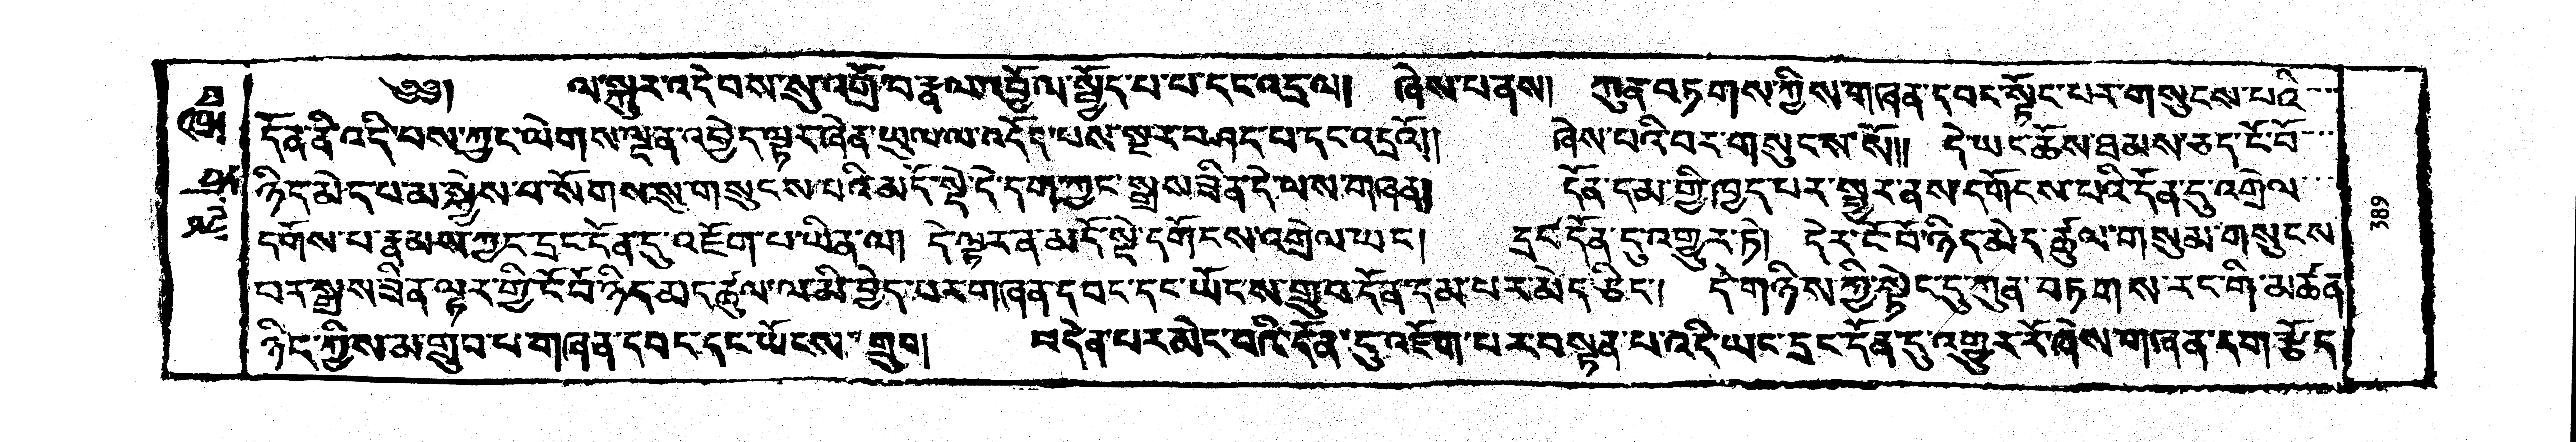༄༅། །ལ་སྐུར་འདེབས་སུ་འགྲོ་བ་རྣལ་འབྱོར་སྤྱོད་པ་པ་དང་འདྲ་ལ། ཞེས་པ་ནས། ཀུན་བཏགས་ཀྱིས་གཞན་དབང་སྟོང་པར་གསུངས་པའི་
དོན་ནི་འདི་པས་ཀྱང་ལེགས་ལྡན་འབྱེད་ལྟར་ཞེན་ཡུལ་ལ་འདོད་པས་སྔར་བཤད་པ་དང་འདྲའོ། །ཞེས་པའི་བར་གསུངས་སོ། །དེ་ཡང་ཆོས་ཐམས་ཅད་ངོ་བོ་
ཉིད་མེད་པ་མ་སྐྱེས་པ་སོགས་སུ་གསུངས་པའི་མདོ་སྡེ་དེ་དག་ཀྱང་སྒྲས་ཟིན་དེ་ལས་གཞན། དོན་དམ་གྱི་ཁྱད་པར་སྦྱར་ནས་དགོངས་པའི་དོན་དུ་འགྲེལ་
དགོས་པ་རྣམས་ཀྱང་དྲང་དོན་དུ་འཇོག་པ་ཡིན་ལ། དེ་ལྟར་ན་མདོ་སྡེ་དགོངས་འགྲེལ་ཡང་། དྲང་དོན་དུ་འགྱུར་ཏེ། དེར་ངོ་བོ་ཉིད་མེད་ཚུལ་གསུམ་གསུངས་
པར་སྒྲས་ཟིན་ལྟར་གྱི་ངོ་བོ་ཉིད་མང་ཚུལ་ལ་མི་བྱེད་པར་གཞན་དབང་དང་ཡོངས་གྲུབ་དོན་དམ་པར་མེད་ཅིང་། དེ་གཉིས་ཀྱི་སྟེང་དུ་ཀུན་བཏགས་རང་གི་མཚན་
ཉིད་ཀྱིས་མ་གྲུབ་པ་གཞན་དབང་དང་ཡོངས་གྲུབ། བདེན་པར་མེད་པའི་དོན་དུ་འཇོག་པར་བསྟན་པ་འདི་ཡང་དྲང་དོན་དུ་འགྱུར་རོ་ཞེས་གཞན་དག་རྩོད་